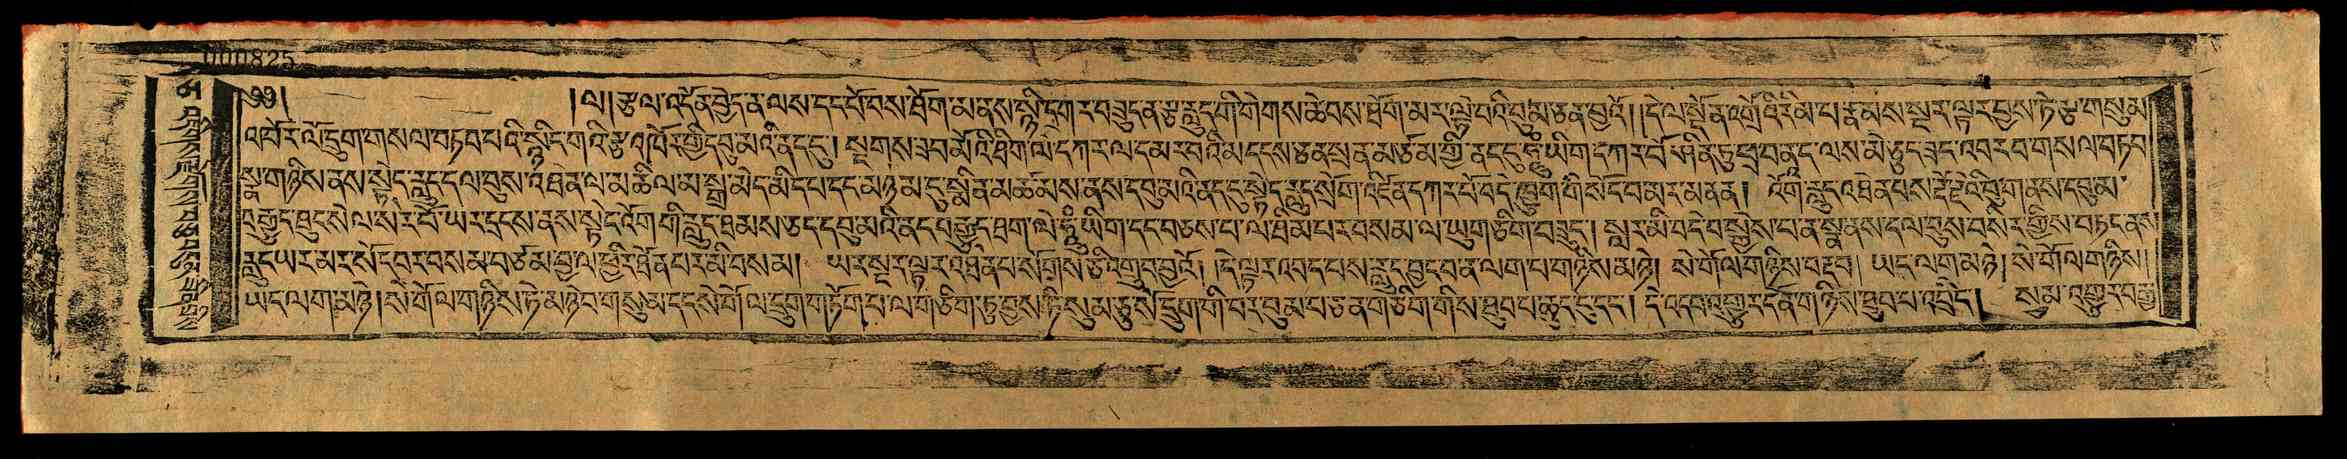༄༅། །ལ༑ རྩལ་འདོན་བྱེད་ན་ལས་དང་པོ་བས་ཐོག་མ་ནས་སྙིང་གར་བཟུང་ན་རྩ་རླུང་གི་གེགས་ཆེ་བས་ཐོག་མར་ལྟེ་བའི་བུམ་ཅན་བྱའོ། །དེ་ལ་སྔོན་འགྲོའི་རིམ་པ་རྣམས་སྔར་ལྟར་བྱས་ཏེ་རྩ་གསུམ་
འཁོར་ལོ་དྲུག་གསལ་བཏབ་པའི་སྙིང་གའི་རྩ་འཁོར་གྱི་དབུ་མའི་ནང་དུ། སྔགས་ཟབ་མོའི་ཐིག་ལེ་དཀར་ལ་དམར་པའི་མདངས་ཅན་སྲན་མ་ཙམ་གྱི་ནང་དུ་ཧཱུཾ་ཡིག་དཀར་པོ་ཤིན་ཏུ་ཕྲ་བ་ནཱ་ད་ལས་མེ་ཅུང་ཟད་འབར་བ་གསལ་བཏབ།
སྣ་གཉིས་ནས་སྟེང་རླུང་དལ་བུས་འཐེན་ལ་མཆི་ལམ་སྒྲ་མེད་མིད་པ་དང་མཉམ་དུ་སྨིན་མཚམས་ནས་དབུ་མའི་ནང་དུ་སྟེ་རླུང་སྲོག་འཛིན་དཀར་པོ་བདེ་ཁྱུག་གེ་སོང་བ་མར་མནན། འོག་རླུང་འཐེན་པས་རྡོ་རྗེའི་བུ་ག་ནས་དབུ་མ་
བརྒྱུད་ཐུར་སེལ་སེར་པོ་ཡར་དྲངས་ནས་སྟེང་འོག་གི་རླུང་ཐམས་ཅད་དབུ་མའི་ནང་བརྒྱུད་ཐིག་ལེ་ཧཱུཾ་ཡིག་དང་བཅས་པ་ལ་ཐིམ་པར་བསམ་ལ་ཡུག་ཅིག་བཟུང་། སླར་མི་བདེ་བ་སྐྱེས་པ་ན་སྣ་ནས་དལ་བུས་བསིར་གྱིས་བཏང་ནས་
རླུང་ཡར་མར་སོང་བར་བསམ་པ་ཙམ་བྱ་ལ་ཕྱིར་ཐོན་པར་མི་བསམ། ཡར་སྔར་ལྟར་འཐེན་པ་སོགས་ཅི་འགྲུབ་བྱའོ། །དེ་ལྟར་འབད་པས་རླུང་བྱང་བ་ན་ལག་པ་གཉིས་མཉེ། སེ་གོལ་གཉིས་བརྡབ། ཡང་ལག་མཉེ། སེ་གོལ་གཉིས།
ཡང་ལག་མཉེ། སེ་གོལ་གཉིས་ཏེ་མཉེ་བ་གསུམ་དང་སེ་གོ་ལ་དྲུག་གཏོག་པ་ལ་གཅིག་ཏུ་བྱས་ཏེ་སུམ་ཅུ་སོ་དྲུག་གི་བར་བུམ་པ་ཅན་གཅིག་གིས་ཐུབ་པ་ཆུང་ངུ་དང་། དེ་འདབ་འགྱུར་དོན་གཉིས་ཐུབ་པ་འབྲིང་། སུམ་འགྱུར་བརྒྱ་